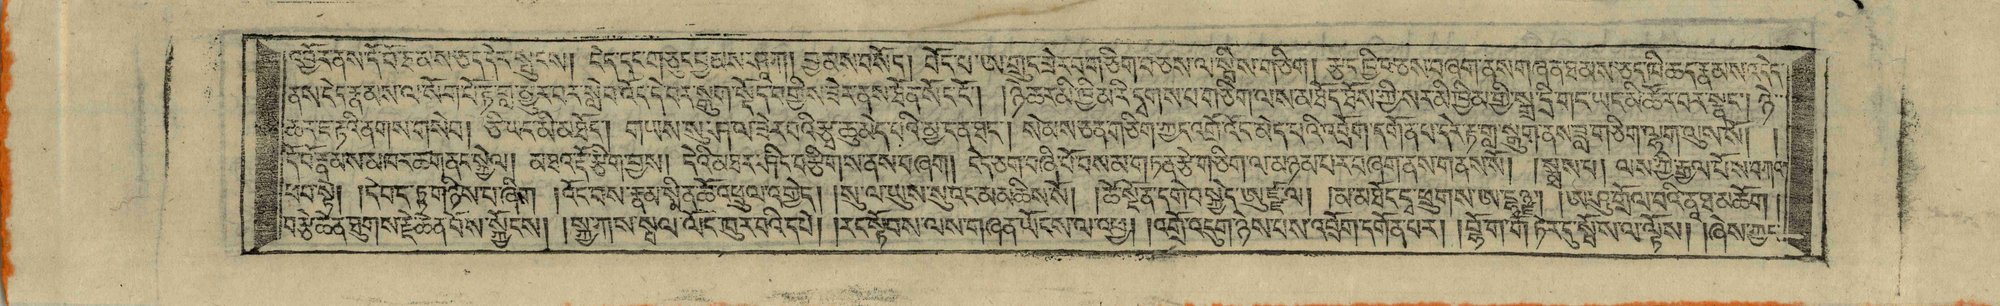འབྱོར་ནས་དོ་བོ་ཐམས་ཅད་དེར་སྤུངས། ངེད་དང་གཅུང་བྱམས་ཤཱཀ། བྱམས་བསོད། བོད་པ་ཨ་གྲུང་ཟེར་བ་གཅིག་བཅས་ལ་སྦིས་གཅིག །རྩང་ཁྱི་བཅས་བཞག་ནས་གཞན་ཐམས་ཅད་ཁི་ཆད་རྣམས་འདོད་
ནས་ངེད་རྣམས་ལ་སོག་པོ་རྟ་གླ་མྱུར་བར་སླེབ་འོད་དེ་བར་སྒུག་སྡོད་བགྱིས་ཟེར་ནས་ཐོན་སོང་ངོ། །ཉེ་ཆར་མི་ཁྱིམ་རི་དྭགས་པ་གཅིག་ལས་མཐོད་ཐོས་ཀྱི་སར་མི་ཁྱིམ་གྱི་སྒྲ་དྲི་གང་ཡང་མི་ཚོར་བར་སྣང་། ཉེ་
ཆར་ཇ་རྟའི་ནགས་གསེབ། ཅི་ཡང་མི་མཐོང་། གཡས་སུ་ཤ་ལ་ཟེར་བའི་རྩྭ་ཆུ་མེད་པའི་མྱ་ངན་ཐང་། སེམས་ཅན་གཅིག་ཀྱང་འགྲོ་འོང་མེད་པའི་འབྲོག་དགོན་པ་དེར་རྟ་གླ་སྒུག་ནས་ཟླ་གཅིག་ལྷག་ལུས་སོ། །
དོ་བོ་རྣམས་མཁར་ཆག་ནང་སྐྱེལ། མཐའ་རྡོ་རྩིག་བྱས། དེའི་མཐར་ཤིང་བརྩིགས་ནས་བཞག །ངེད་ཅག་བཞི་པོ་བསམ་གཏན་རྩེ་གཅིག་ལ་མཉམ་པར་བཞག་ནས་གནས་སོ། །སྨྲས་པ། ལས་ཀྱི་རྒྱལ་པོས་བཀའ་
ཕབ་སྟེ། །དེ་བང་ཏྟ་གཉིས་པ་ཞིག །འོང་བས་རྣམ་སྨིན་ཆོ་འཕྲུལ་འགྱེད། །སུ་ལ་ཡུས་སུ་འང་མ་མཆིས་སོ། །ཚེ་སྔོན་དགེ་བསྐྱེད་ཨུཛྫ་ལ། །མ་མཐོང་དྭ་ཕྲུགས་ཨ་དྷྭཉྫ། །ཨ་ཤུ་གྲོལ་བའི་ནཱ་ཐ་མཆོག།
བརྩེ་ཆེན་ཐུགས་རྗེ་ཆེན་པོས་སྐྱོངས། །སྐྱ་ཀས་སྦལ་ལོང་ཁུར་བའི་དཔེ། །རང་སྟོབས་ལས་གཞན་ཡོངས་ལ་འཕྱ། །འགྲོ་འདུག་ཉེས་པས་འབྲོག་དགོན་པར། །བྷོ་ག་གཏེར་དུ་སྦོས་ལ་ལྟོས། །ཞེས་ཀྱང་འ་